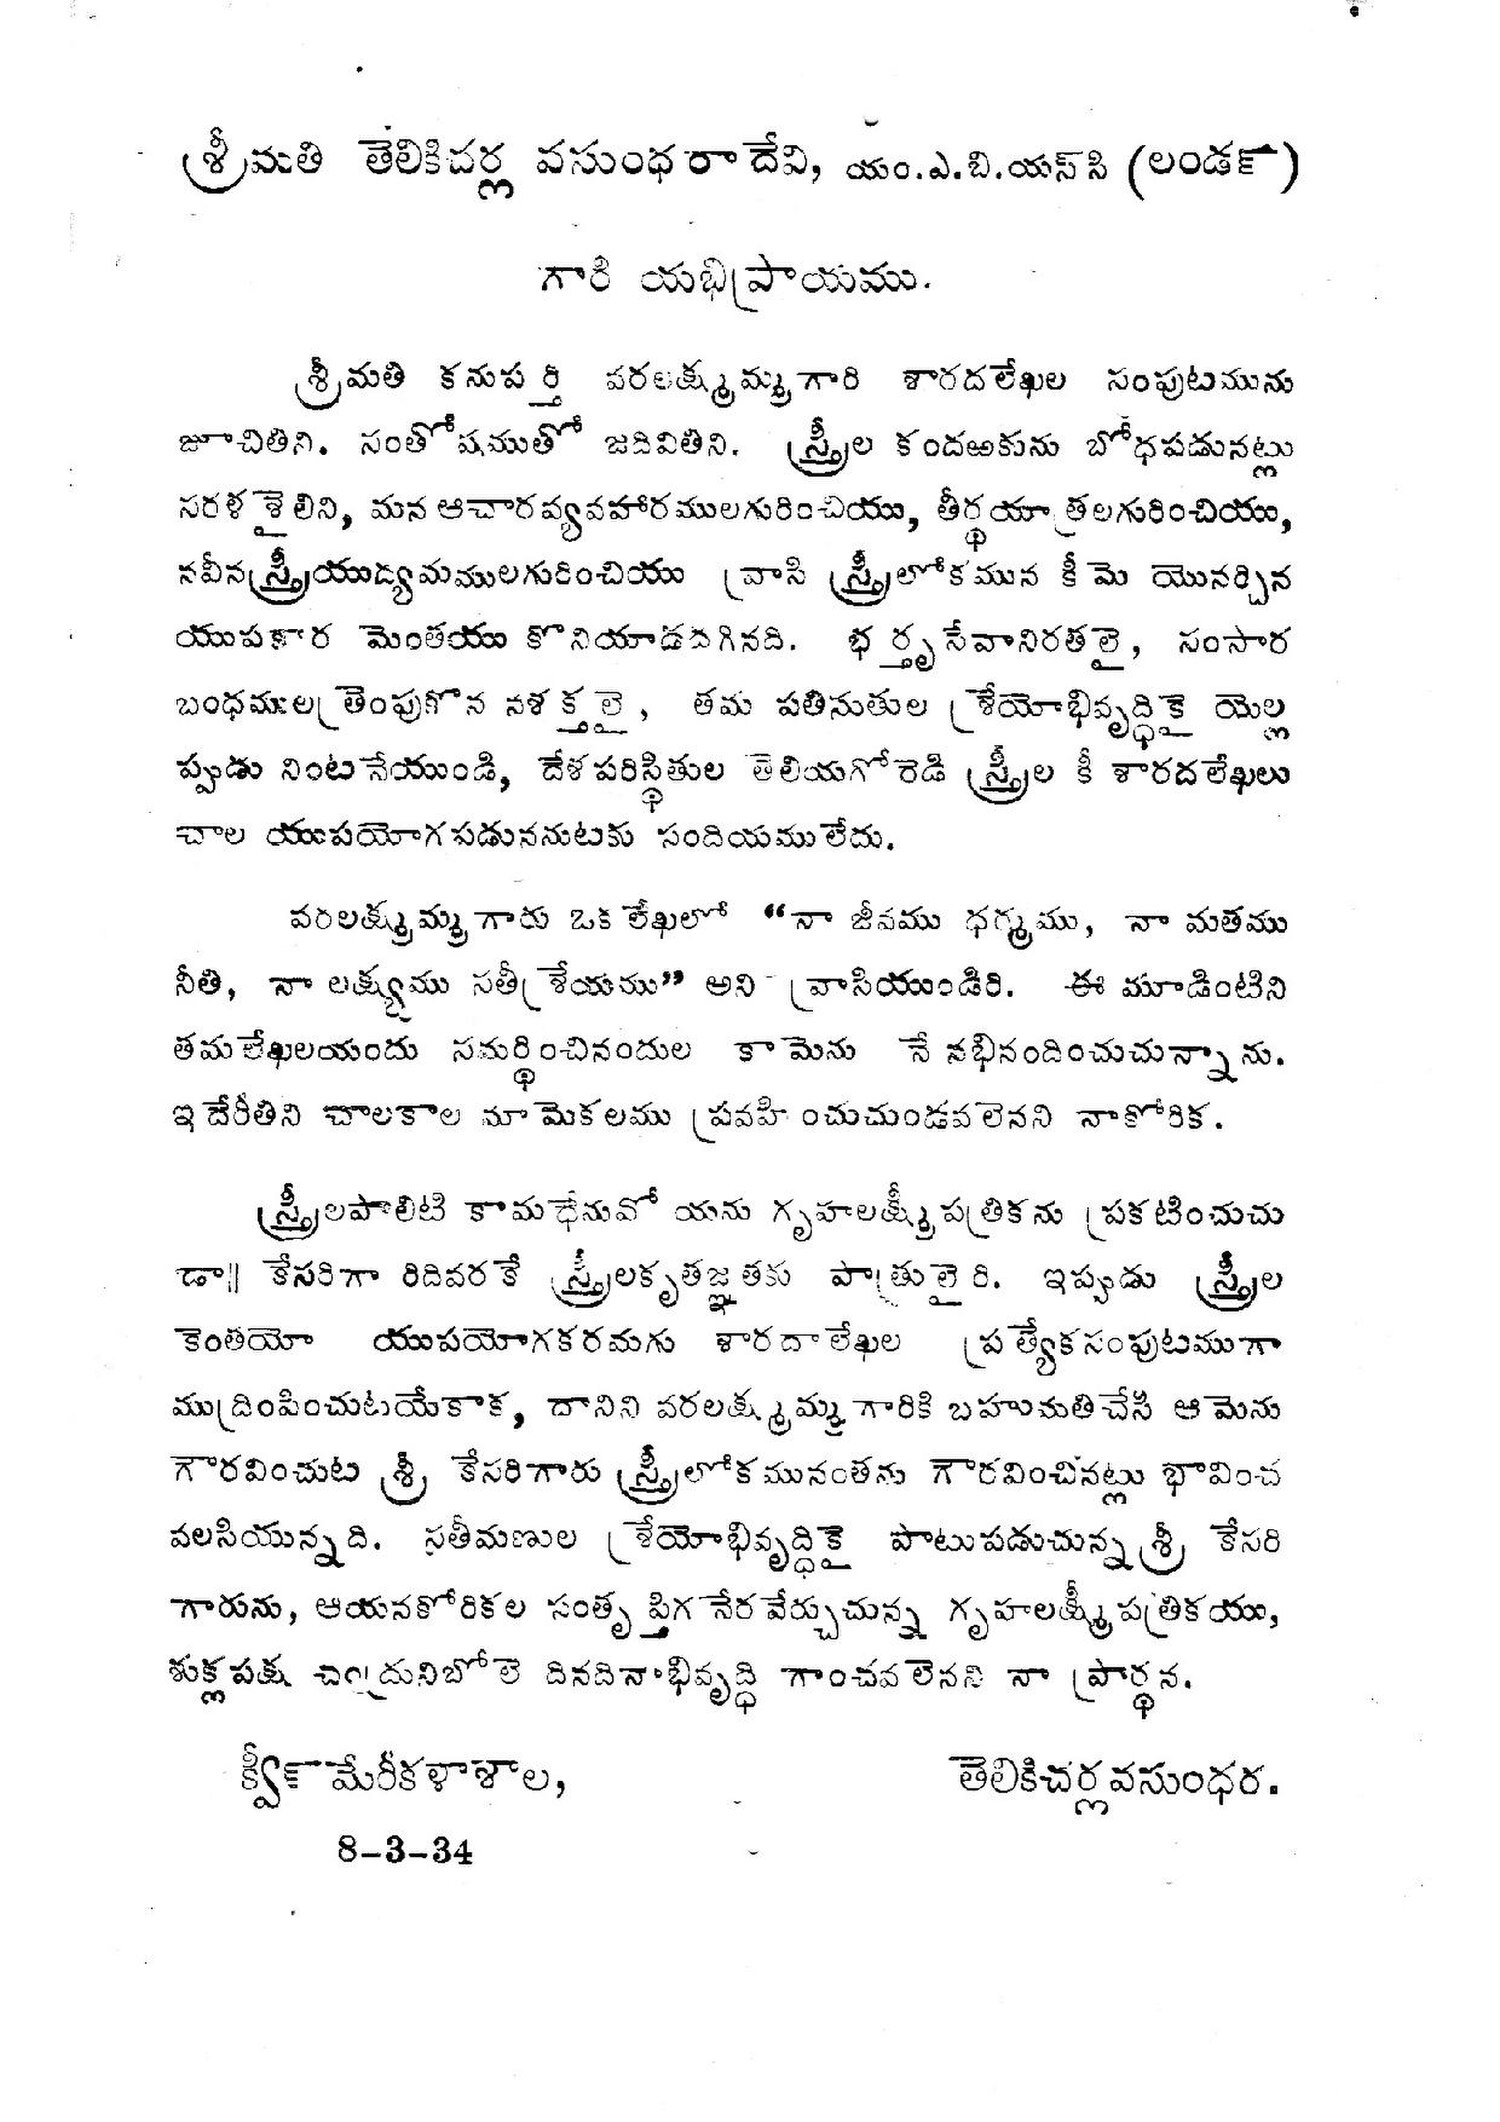శ్రీమతి తెలికిచర్ల వసుంధరాదేవి, యం.ఎ.బి.యస్.సి (లండకో)

గారి యభిప్రాయము.

శ్రీమతి కనుపర్తి వరలక్ష్మమ్మగారి శారద లేఖల సంపుటమును జూచితిని. సంతోషముతో జదివితిని. స్త్రీల కందఱకును బోధపడునట్లు సరళ శైలిని, మన ఆచార వ్యవహారముల గురించియు, తీర్థయాత్రల గురించియు,
నవీన స్త్రీయుజ్యమముల గురించియు వ్రాసి స్త్రీలోకమున కీ మె యొనర్చిన యుపకార మెంతయు కొనియాడదగినది. భర్తృసేవానిరతలై, సంసార బంధముల త్రెంపుగొన నశక్తలై, తమ పతిసుతుల శ్రేయోభివృద్ధికై యెల్ల 
ప్పుడు నింట నేయుండి, దేశ పరిస్థితులు తెలియగోరెడి స్త్రీల కీ శారద లేఖలు చాల యుపయోగపడుననుటకు సందియము లేదు.

వరలక్ష్మమ్మ గారు ఒక లేఖలో “నా జీవము ధర్మము, నా మతము నీతి, నా లక్ష్యము సతీ శ్రేయము” అని వ్రాసియుండిరి. ఈ మూడింటిని
తమ లేఖలయందు సమర్థించినందుల కామెను నేనభినందించుచున్నాను. ఇదేరీతిని చాలకాల మా మెకలము ప్రవహించుచుండవలెనని నాకోరిక.

స్త్రీలపాలిటి కామ ధేనువో యను గృహలక్ష్మీ పత్రికను ప్రకటించుచు
డా|| కేసరిగా రిదివరకే స్త్రీలకృతజ్ఞతకు పాత్రులైరి. ఇప్పుడు స్త్రీల కెంతయో యుపయోగకరమగు శారదా లేఖల ప్రత్యేక సంపుటముగా
ముద్రింపించుటయేకాక, దానిని వరలక్ష్మమ్మ గారికి బహుమతి చేసి ఆమెను
గౌరవించుట శ్రీ కేసరిగారు స్త్రీలోకమునంతను గౌరవించినట్లు భావించవలసియున్నది. సతీమణుల శ్రేయోభివృద్ధికై పాటు పడుచున్న శ్రీ కేసరి గారును, ఆయనకోరికల సంతృప్తిగ నేరవేర్చుచున్న గృహలక్ష్మీ పత్రికయు,
శుక్లపక్ష చంద్రునిబోలె దినదినాభివృద్ధి గాంచవలెనని నా ప్రార్థన.

క్వీజ్ మేరీకళాశాల, తెలికిచర్ల వసుంధర.

8-3-34